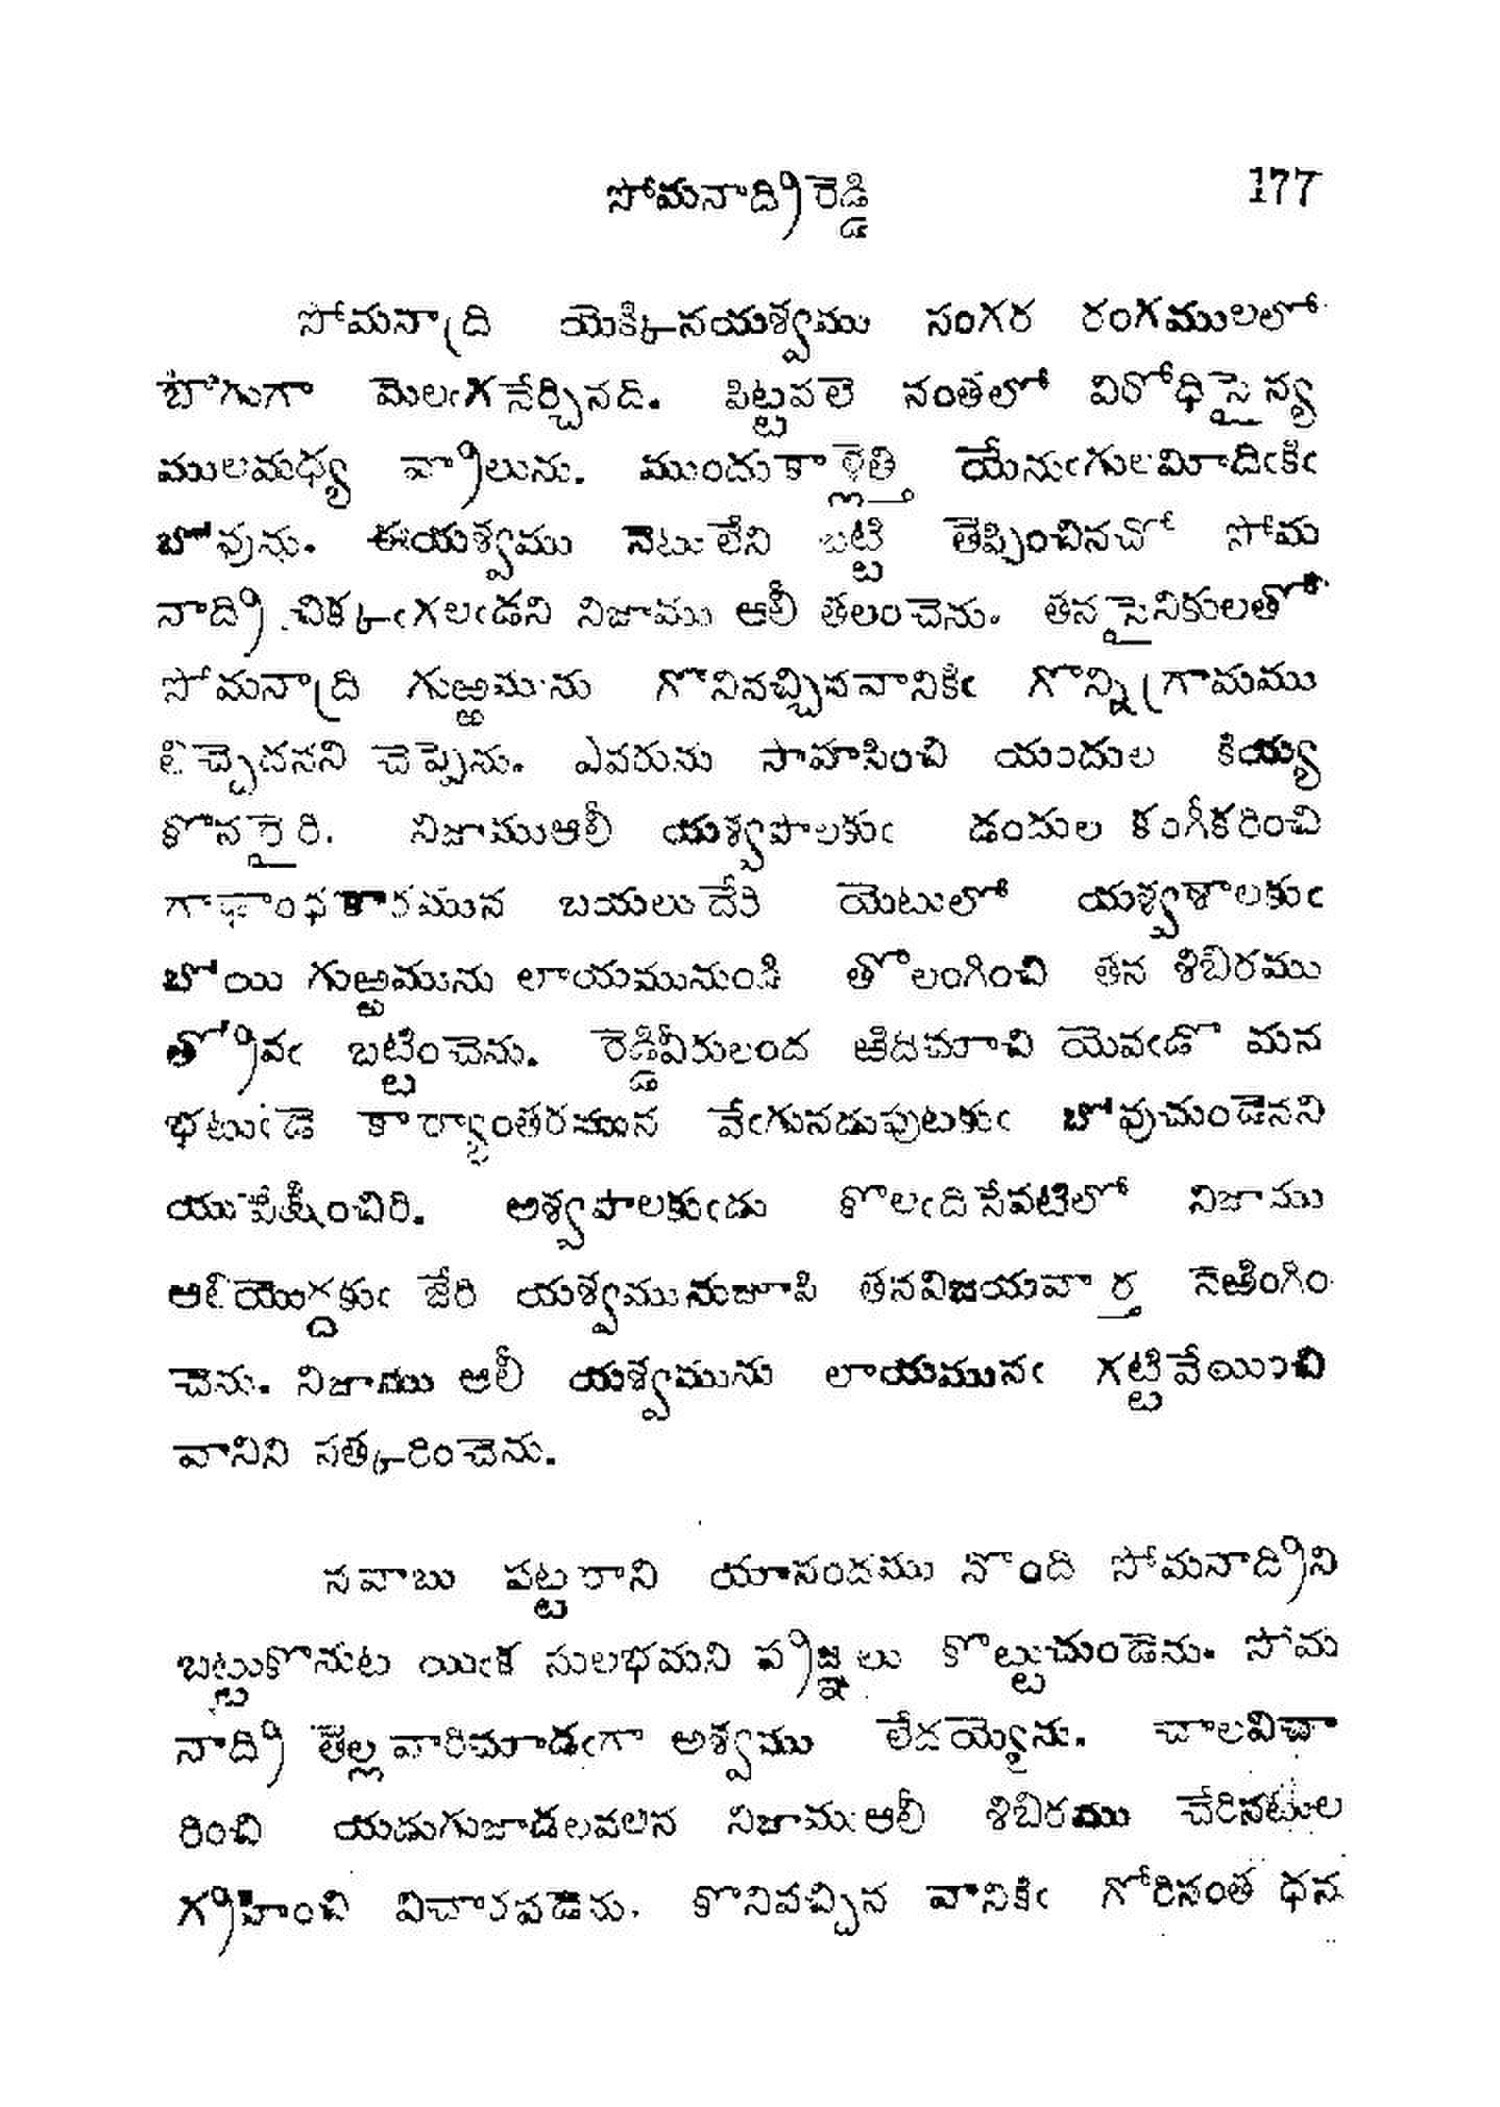సోమనాద్రి యెక్కినయశ్వము సంగర రంగములలో బాగుగా మెలగనేర్చినది. పిట్టవలె నంతలో విరోధిసైన్యములమధ్య వ్రాలును. ముందుకాళ్లెత్తి యేనుగులమీదికి బోవును. ఈయశ్వము నెటులేని బట్టి తెప్పించినచో సోమనాద్రి చిక్కగలడని నిజాము ఆలీ తలంచెను. తనసైనికులతో సోమనాద్రి గుఱ్ఱమును గొనివచ్చినవానికి గొన్నిగ్రామము లిచ్చెదనని చెప్పెను. ఎవరును సాహసించి యందుల కియ్యకొనరైరి. నిజాముఆలీ యశ్వపాలకు డందుల కంగీకరించి గాఢాందకారమున బయలుదేరి యెటులో యశ్వశాలకుబోయి గుఱ్ఱమును లాయమునుండి తొలగించి తన శిబిరము త్రోవ బట్టించెను. రెడ్డివీరులంద ఱిదిచూచి యెవడో మన భటుడె కార్యాంతరమున వేగునడుపుటకు బోవుచుండెనని యుపేక్షించిరి. అశ్వపాలకుడు కొలదిసేపటిలో నిజాము ఆలియొద్దకు జేరి యశ్వమునుజూపి తనవిజయవార్త నెఱింగించెను. నిజాము ఆలీ యశ్వమును లాయమున గట్టివేయించి వానిని సత్కరించెను.

నవాబు పట్టరాని యానందము నొంది సోమనాద్రిని బట్టుకొనుట యిక సులభమని ప్రజ్ఞలు కొట్టుచుండెను. సోమనాద్రి తెల్లవారిచూడగా అశ్వము లేదయ్యెను. చాలవిచారించి యడుగుజాడలవలన నిజాముఆలీ శిబిరము చేరినటుల గ్రహించి విచారపడెను. కొనివచ్చిన వానికి గోరినంత ధన